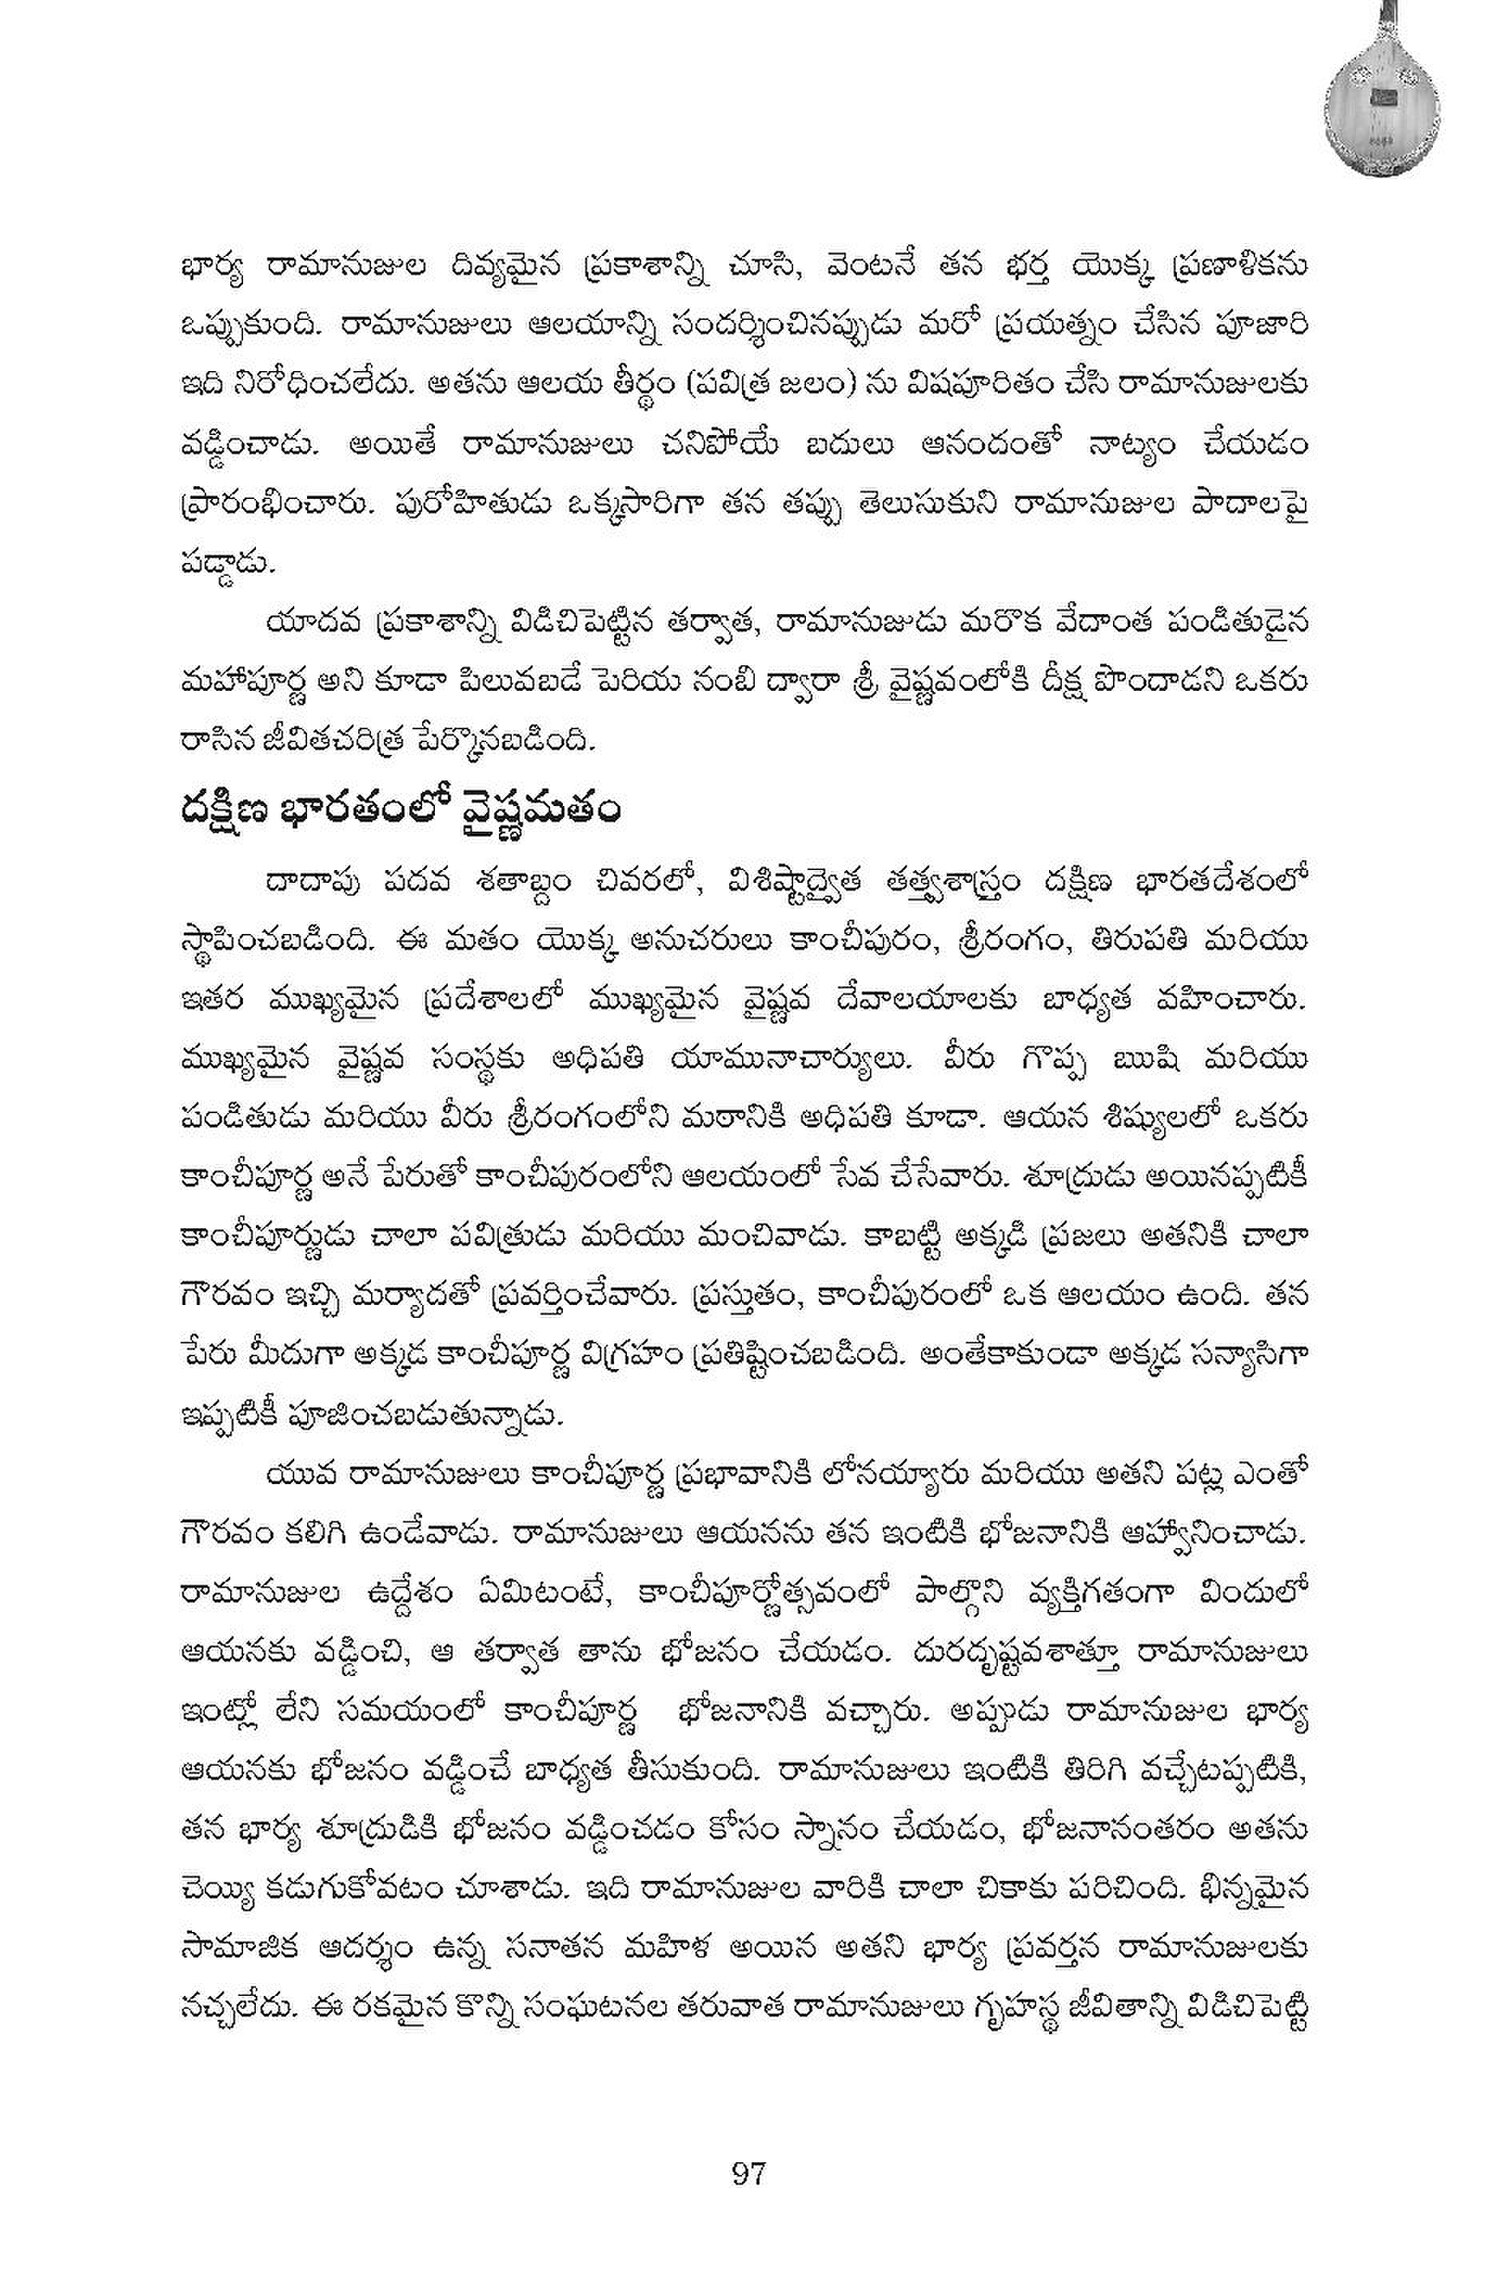భార్య రామానుజుల దివ్యమైన ప్రకాశాన్ని చూసి, వెంటనే తన భర్త యొక్క ప్రణాళికను ఒప్పుకుంది. రామానుజులు ఆలయాన్ని సందర్శించినప్పుడు మరో ప్రయత్నం చేసిన పూజారి ఇది నిరోధించలేదు. అతను ఆలయ తీర్థం (పవిత్ర జలం) ను విషపూరితం చేసి రామానుజులకు వడ్డించాడు. అయితే రామానుజులు చనిపోయే బదులు ఆనందంతో నాట్యం చేయడం ప్రారంభించారు. పురోహితుడు ఒక్కసారిగా తన తప్పు తెలుసుకుని రామానుజుల పాదాలపై పడ్డాడు.

యాదవ ప్రకాశాన్ని విడిచిపెట్టిన తర్వాత, రామానుజుడు మరొక వేదాంత పండితుడైన
మహాపూర్ణ అని కూడా పిలువబడే పెరియ నంబి ద్వారా శ్రీ వైష్ణవంలోకి దీక్ష పొందాడని ఒకరు
రాసిన జీవితచరిత్ర పేర్కొనబడింది.

దక్షిణ భారతంలో వైష్ణమతం 

దాదాపు పదవ శతాబ్దం చివరలో, విశిష్టాద్వైత తత్త్వశాస్త్రం దక్షిణ భారతదేశంలో స్థాపించబడింది. ఈ మతం యొక్క అనుచరులు కాంచీపురం, శ్రీరంగం, తిరుపతి మరియు ఇతర ముఖ్యమైన ప్రదేశాలలో ముఖ్యమైన వైష్ణవ దేవాలయాలకు బాధ్యత వహించారు. ముఖ్యమైన వైష్ణవ సంస్థకు అధిపతి యామునాచార్యులు. వీరు గొప్ప ఋషి మరియు పండితుడు మరియు వీరు శ్రీరంగంలోని మఠానికి అధిపతి కూడా. ఆయన శిష్యులలో ఒకరు కాంచీపూర్ణ అనే పేరుతో కాంచీపురంలోని ఆలయంలో సేవ చేసేవారు. శూద్రుడు అయినప్పటికీ కాంచీపూర్ణుడు చాలా పవిత్రుడు మరియు మంచివాడు. కాబట్టి అక్కడి ప్రజలు అతనికి చాలా గౌరవం ఇచ్చి మర్యాదతో ప్రవర్తించేవారు. ప్రస్తుతం, కాంచీపురంలో ఒక ఆలయం ఉంది. తన పేరు మీదుగా అక్కడ కాంచీపూర్ణ విగ్రహం ప్రతిష్టించబడింది. అంతేకాకుండా అక్కడ సన్యాసిగా ఇప్పటికీ పూజించబడుతున్నాడు.

యువ రామానుజులు కాంచీపూర్ణ ప్రభావానికి లోనయ్యారు మరియు అతని పట్ల ఎంతో గౌరవం కలిగి ఉండేవాడు. రామానుజులు ఆయనను తన ఇంటికి భోజనానికి ఆహ్వానించాడు. రామానుజుల ఉద్దేశం ఏమిటంటే, కాంచీపూర్ణోత్సవంలో పాల్గొని వ్యక్తిగతంగా విందులో ఆయనకు వడ్డించి, ఆ తర్వాత తాను భోజనం చేయడం. దురదృష్టవశాత్తూ రామానుజులు
ఇంట్లో లేని సమయంలో కాంచీపూర్ణ భోజనానికి వచ్చారు. అప్పుడు రామానుజుల భార్య ఆయనకు భోజనం వడ్డించే బాధ్యత తీసుకుంది. రామానుజులు ఇంటికి తిరిగి వచ్చేటప్పటికి, తన భార్య శూద్రుడికి భోజనం వడ్డించడం కోసం స్నానం చేయడం, భోజనానంతరం అతను చెయ్యి కడుగుకోవటం చూశాడు. ఇది రామానుజుల వారికి చాలా చికాకు పరిచింది. భిన్నమైన సామాజిక ఆదర్శం ఉన్న సనాతన మహిళ అయిన అతని భార్య ప్రవర్తన రామానుజులకు నచ్చలేదు. ఈ రకమైన కొన్ని సంఘటనల తరువాత రామానుజులు గృహస్థ జీవితాన్ని విడిచిపెట్టి